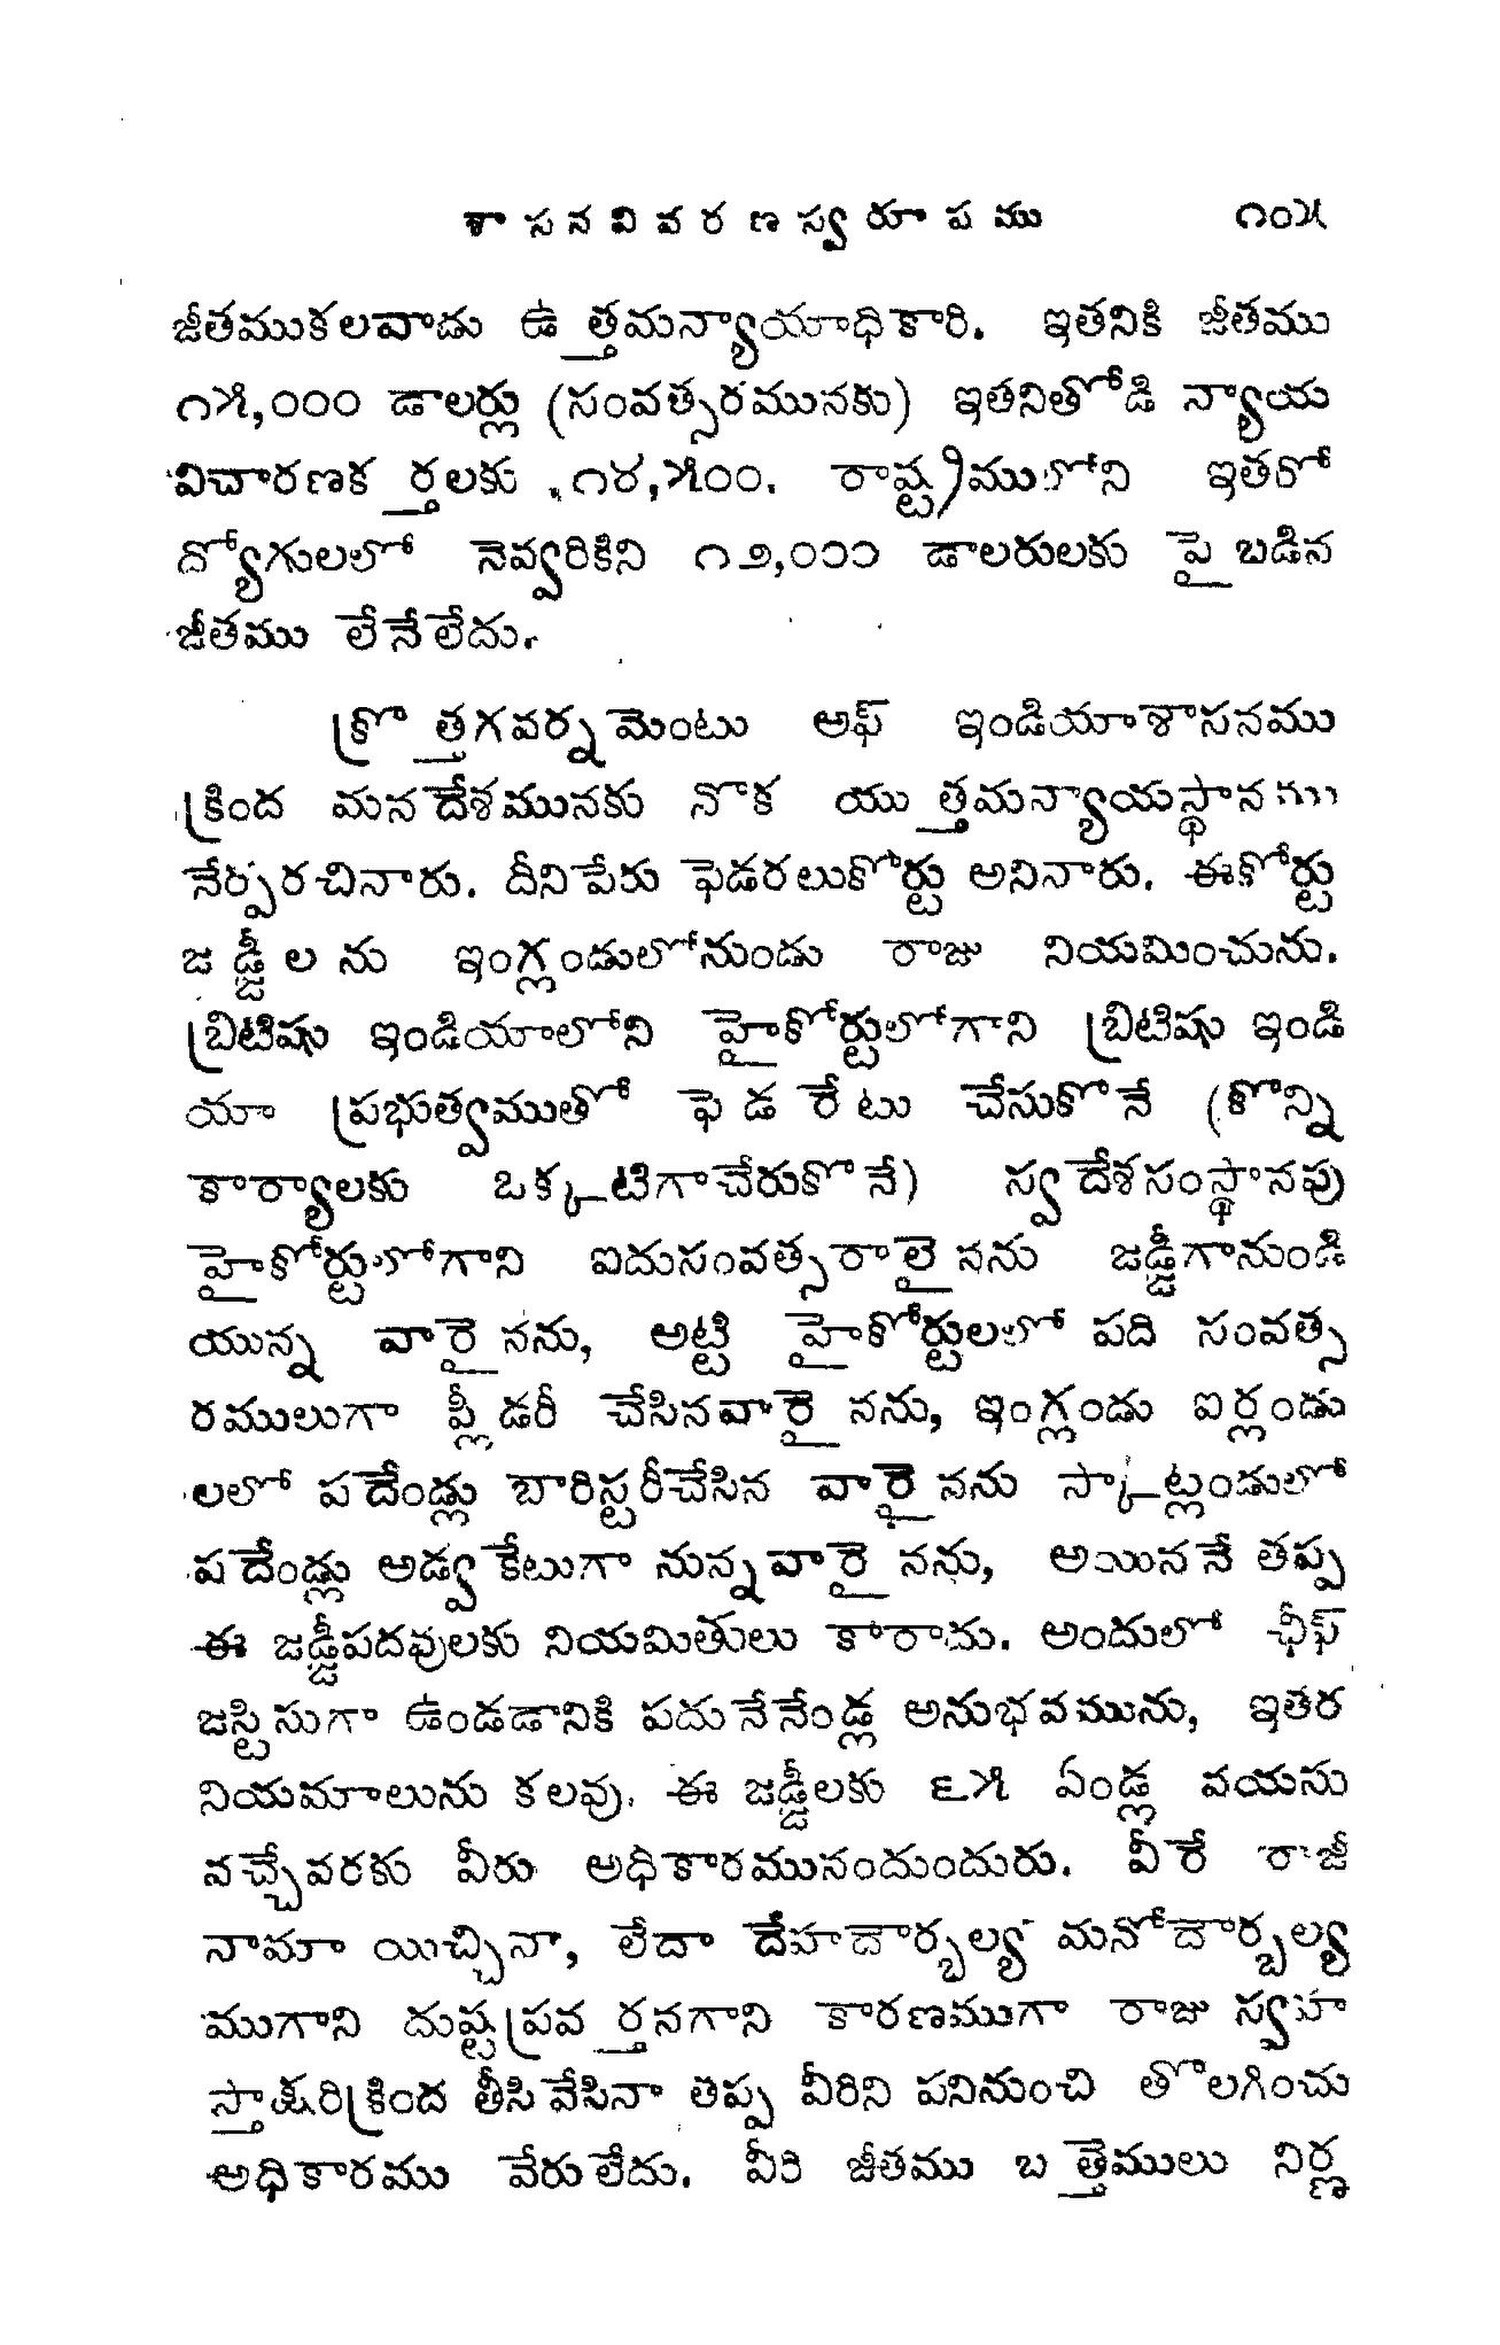జీతముకలవాడు ఉత్తమన్యాయాధికారి. ఇతనికి జీతము 15,000 డాలర్లు (సంవత్సరమునకు) ఇతనితోడి న్యాయవిచారణకర్తలకు, 14, 500. రాష్ట్రములోని ఇతరోద్యోగులలో నెవ్వరికిని 12,000 డాలరులకు పై బడిన జీతము లేనేలేదు.

క్రొత్తగవర్నమెంటు అఫ్ ఇండియాశాసనము క్రింద మనదేశమునకు నొక యుత్తమన్యాయస్థానము
నేర్పరచినారు. దీనిపేరు ఫెడరలుకోర్టు అనినారు. ఈకోర్టు జడ్జీలను ఇంగ్లండులోనుండు రాజు నియమించును. బ్రిటిషు ఇండియాలోని హైకోర్టులోగాని బ్రిటిషు ఇండియా ప్రభుత్వముతో ఫెడరేటు చేసుకొనే (కొన్ని కార్యాలకు ఒక్కటిగా చేరుకొనే) స్వదేశసంస్థానపు హైకోర్టులోగాని ఐదుసంవత్సరాలైనను జడ్జిగానుండి యున్న వారై నను, అట్టి హైకోర్టులలో పది సంవత్సరములుగా ప్లీడరీ చేసినవారై నను, ఇంగ్లండు ఐర్లండులలో పదేండ్లు బారిస్టరీచేసిన వారైనను స్కాట్లండులో పదేండ్లు అడ్వకేటుగా నున్న వారైనను, అయిననే తప్ప ఈ జడ్డీపదవులకు నియమితులు కారాదు. అందులో చీఫ్ జస్టిసుగా ఉండడానికి పదునేనేండ్ల అనుభవమును, ఇతర నియమాలును కలవు. ఈ జడ్డీలకు 65 ఏండ్ల వయసు వచ్చేవరకు వీరు అధికారమునందుందురు. వీరే రాజీనామా యిచ్చినా, లేదా దేహదౌర్బల్య మనోదౌర్బల్యముగాని దుష్టప్రవర్తనగాని కారణముగా రాజు స్వహస్తాక్షరిక్రింద తీసివేసినా తప్ప వీరిని పనినుంచి తొలగించు అధికారము వేరులేదు. వీరి జీతము బత్తెములు నిర్ణ